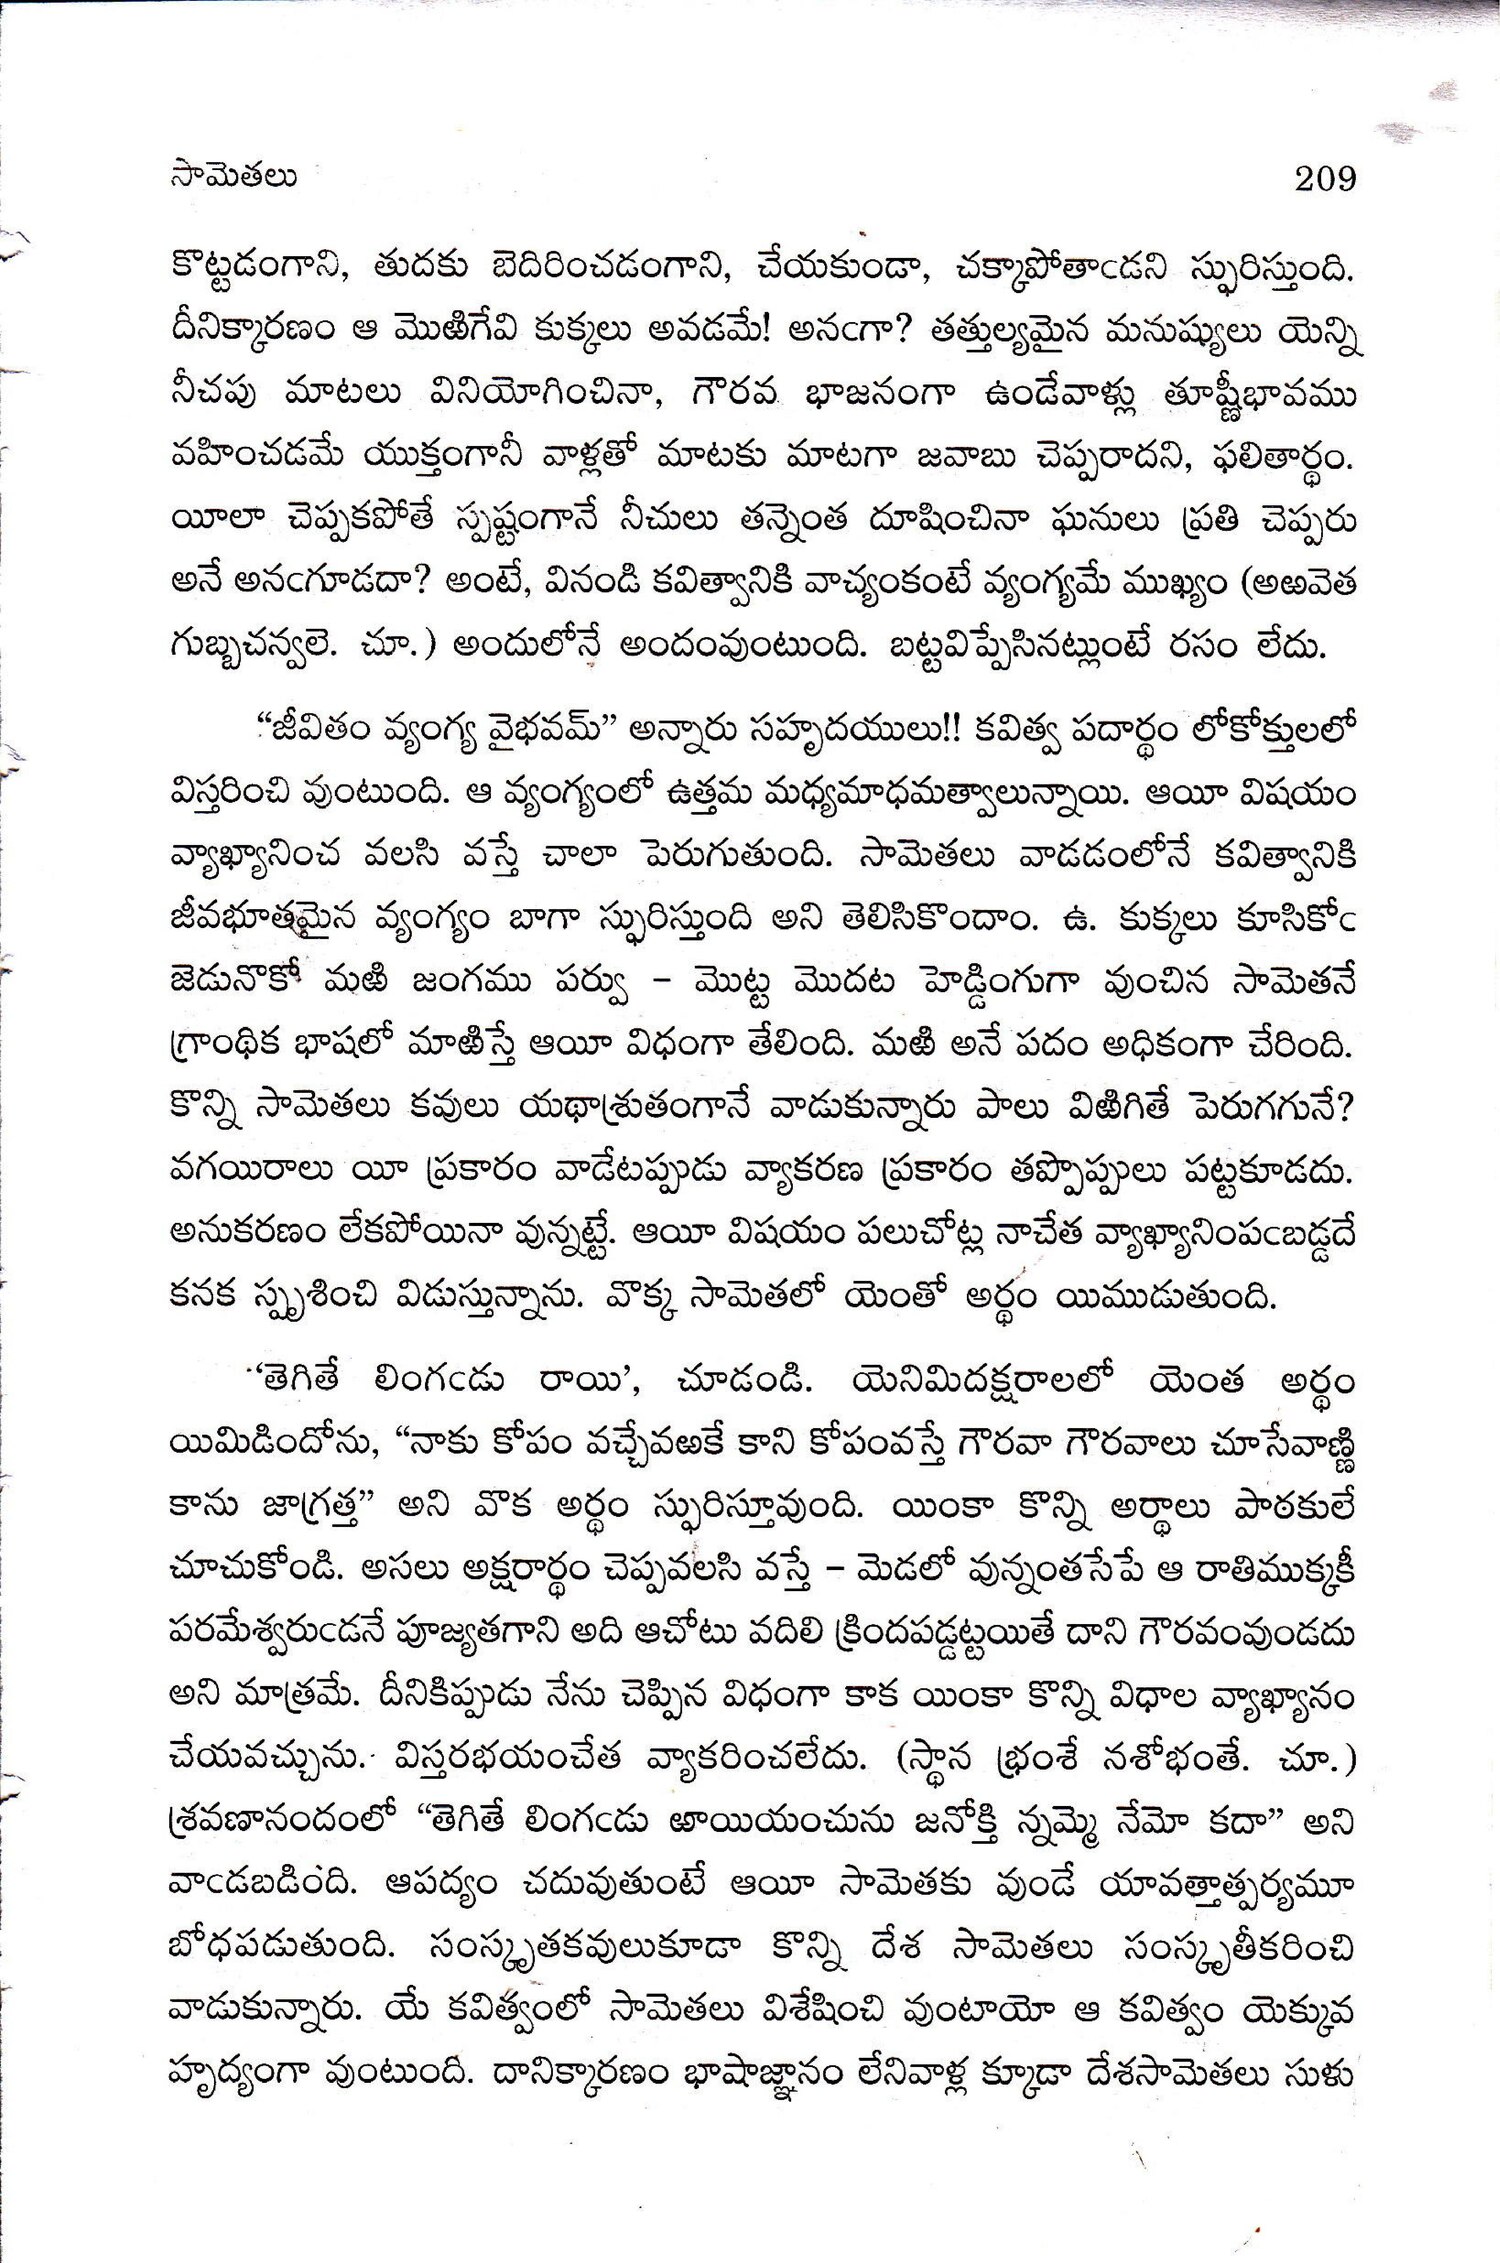కొట్టడంగాని, తుదకు బెదిరించడంగాని, చేయకుండా, చక్కాపోతాఁడని స్ఫురిస్తుంది. దీనిక్కారణం ఆ మొఱిగేవి కుక్కలు అవడమే! అనఁగా? తత్తుల్యమైన మనుష్యులు యెన్ని నీచపు మాటలు వినియోగించినా, గౌరవ భాజనంగా ఉండేవాళ్లు తూష్ణీభావము వహించడమే యుక్తంగానీ వాళ్లతో మాటకు మాటగా జవాబు చెప్పరాదని, ఫలితార్థం. యిలా చెప్పకపోతే స్పష్టంగానే నీచులు తన్నెంత దూషించినా ఘనులు ప్రతి చెప్పరు అనే అనఁగూడదా? అంటే, వినండి కవిత్వానికి వాచ్యంకంటే వ్యంగ్యమే ముఖ్యం (అఱవెత గుబ్బచన్వలె, చూ.) అందులోనే అందంవుంటుంది. బట్టవిప్పేసినట్లుంటే రసం లేదు.

“జీవితం వ్యంగ్య వైభవమ్" అన్నారు సహృదయులు! కవిత్వ పదార్ధం లోకోక్తులలో విస్తరించి వుంటుంది. ఆ వ్యంగ్యంలో ఉత్తమ మధ్యమాధమత్వాలున్నాయి. ఆయీ విషయం వ్యాఖ్యానించ వలసి వస్తే చాలా పెరుగుతుంది. సామెతలు వాడడంలోనే కవిత్వానికి జీవభూతమైన వ్యంగ్యం బాగా స్ఫురిస్తుంది అని తెలిసికొందాం. ఉ. కుక్కలు కూసికోఁ జెడునొకో మఱి జంగము పర్వు - మొట్ట మొదట హెడ్డింగుగా వుంచిన సామెతనే గ్రాంథిక భాషలో మాఱిస్తే ఆయీ విధంగా తేలింది. మఱి అనే పదం అధికంగా చేరింది. కొన్ని సామెతలు కవులు యథాశ్రుతంగానే వాడుకున్నారు పాలు విఱిగితే పెరుగగునే? వగయిరాలు యీ ప్రకారం వాడేటప్పుడు వ్యాకరణ ప్రకారం తప్పొప్పులు పట్టకూడదు. అనుకరణం లేకపోయినా వున్నట్టే. ఆయీ విషయం పలుచోట్ల నాచేత వ్యాఖ్యానింపఁబడ్డదే కనక స్పృశించి విడుస్తున్నాను. వొక్క సామెతలో యెంతో అర్థం యిముడుతుంది.

"తెగితే లింగcడు రాయి, చూడండి. యెనిమిదక్షరాలలో యెంత అర్ధం యిమిడిందోను, "నాకు కోపం వచ్చేవఱకే కాని కోపంవస్తే గౌరవా గౌరవాలు చూసేవాణ్ణి కాను జాగ్రత్త" అని వొక అర్థం స్ఫురిస్తూవుంది. యింకా కొన్ని అర్థాలు పాఠకులే చూచుకోండి. అసలు అక్షరార్థం చెప్పవలసి వస్తే - మెడలో వున్నంతసేపే ఆ రాతిముక్కకీ పరమేశ్వరుఁడనే పూజ్యతగాని అది ఆచోటు వదిలి క్రిందపడ్డట్టయితే దాని గౌరవంవుండదు అని మాత్రమే. దీనికిప్పుడు నేను చెప్పిన విధంగా కాక యింకా కొన్ని విధాల వ్యాఖ్యానం చేయవచ్చును. విస్తరభయంచేత వ్యాకరించలేదు. (స్థాన భ్రంశే నశోభంతే. చూ.) శ్రవణానందంలో "తెగితే లింగండు ఱాయియంచును జనోక్తి నమ్మె నేమో కదా" అని వాఁడబడింది. ఆపద్యం చదువుతుంటే ఆయీ సామెతకు వుండే యావత్తాత్పర్యమూ బోధపడుతుంది. సంస్కృతకవులుకూడా కొన్ని దేశ సామెతలు సంస్కృతీకరించి వాడుకున్నారు. యే కవిత్వంలో సామెతలు విశేషించి వుంటాయో ఆ కవిత్వం యెక్కువ హృద్యంగా వుంటుంది. దానిక్కారణం భాషాజ్ఞానం లేనివాళ్ల క్కూడా దేశసామెతలు సుళు